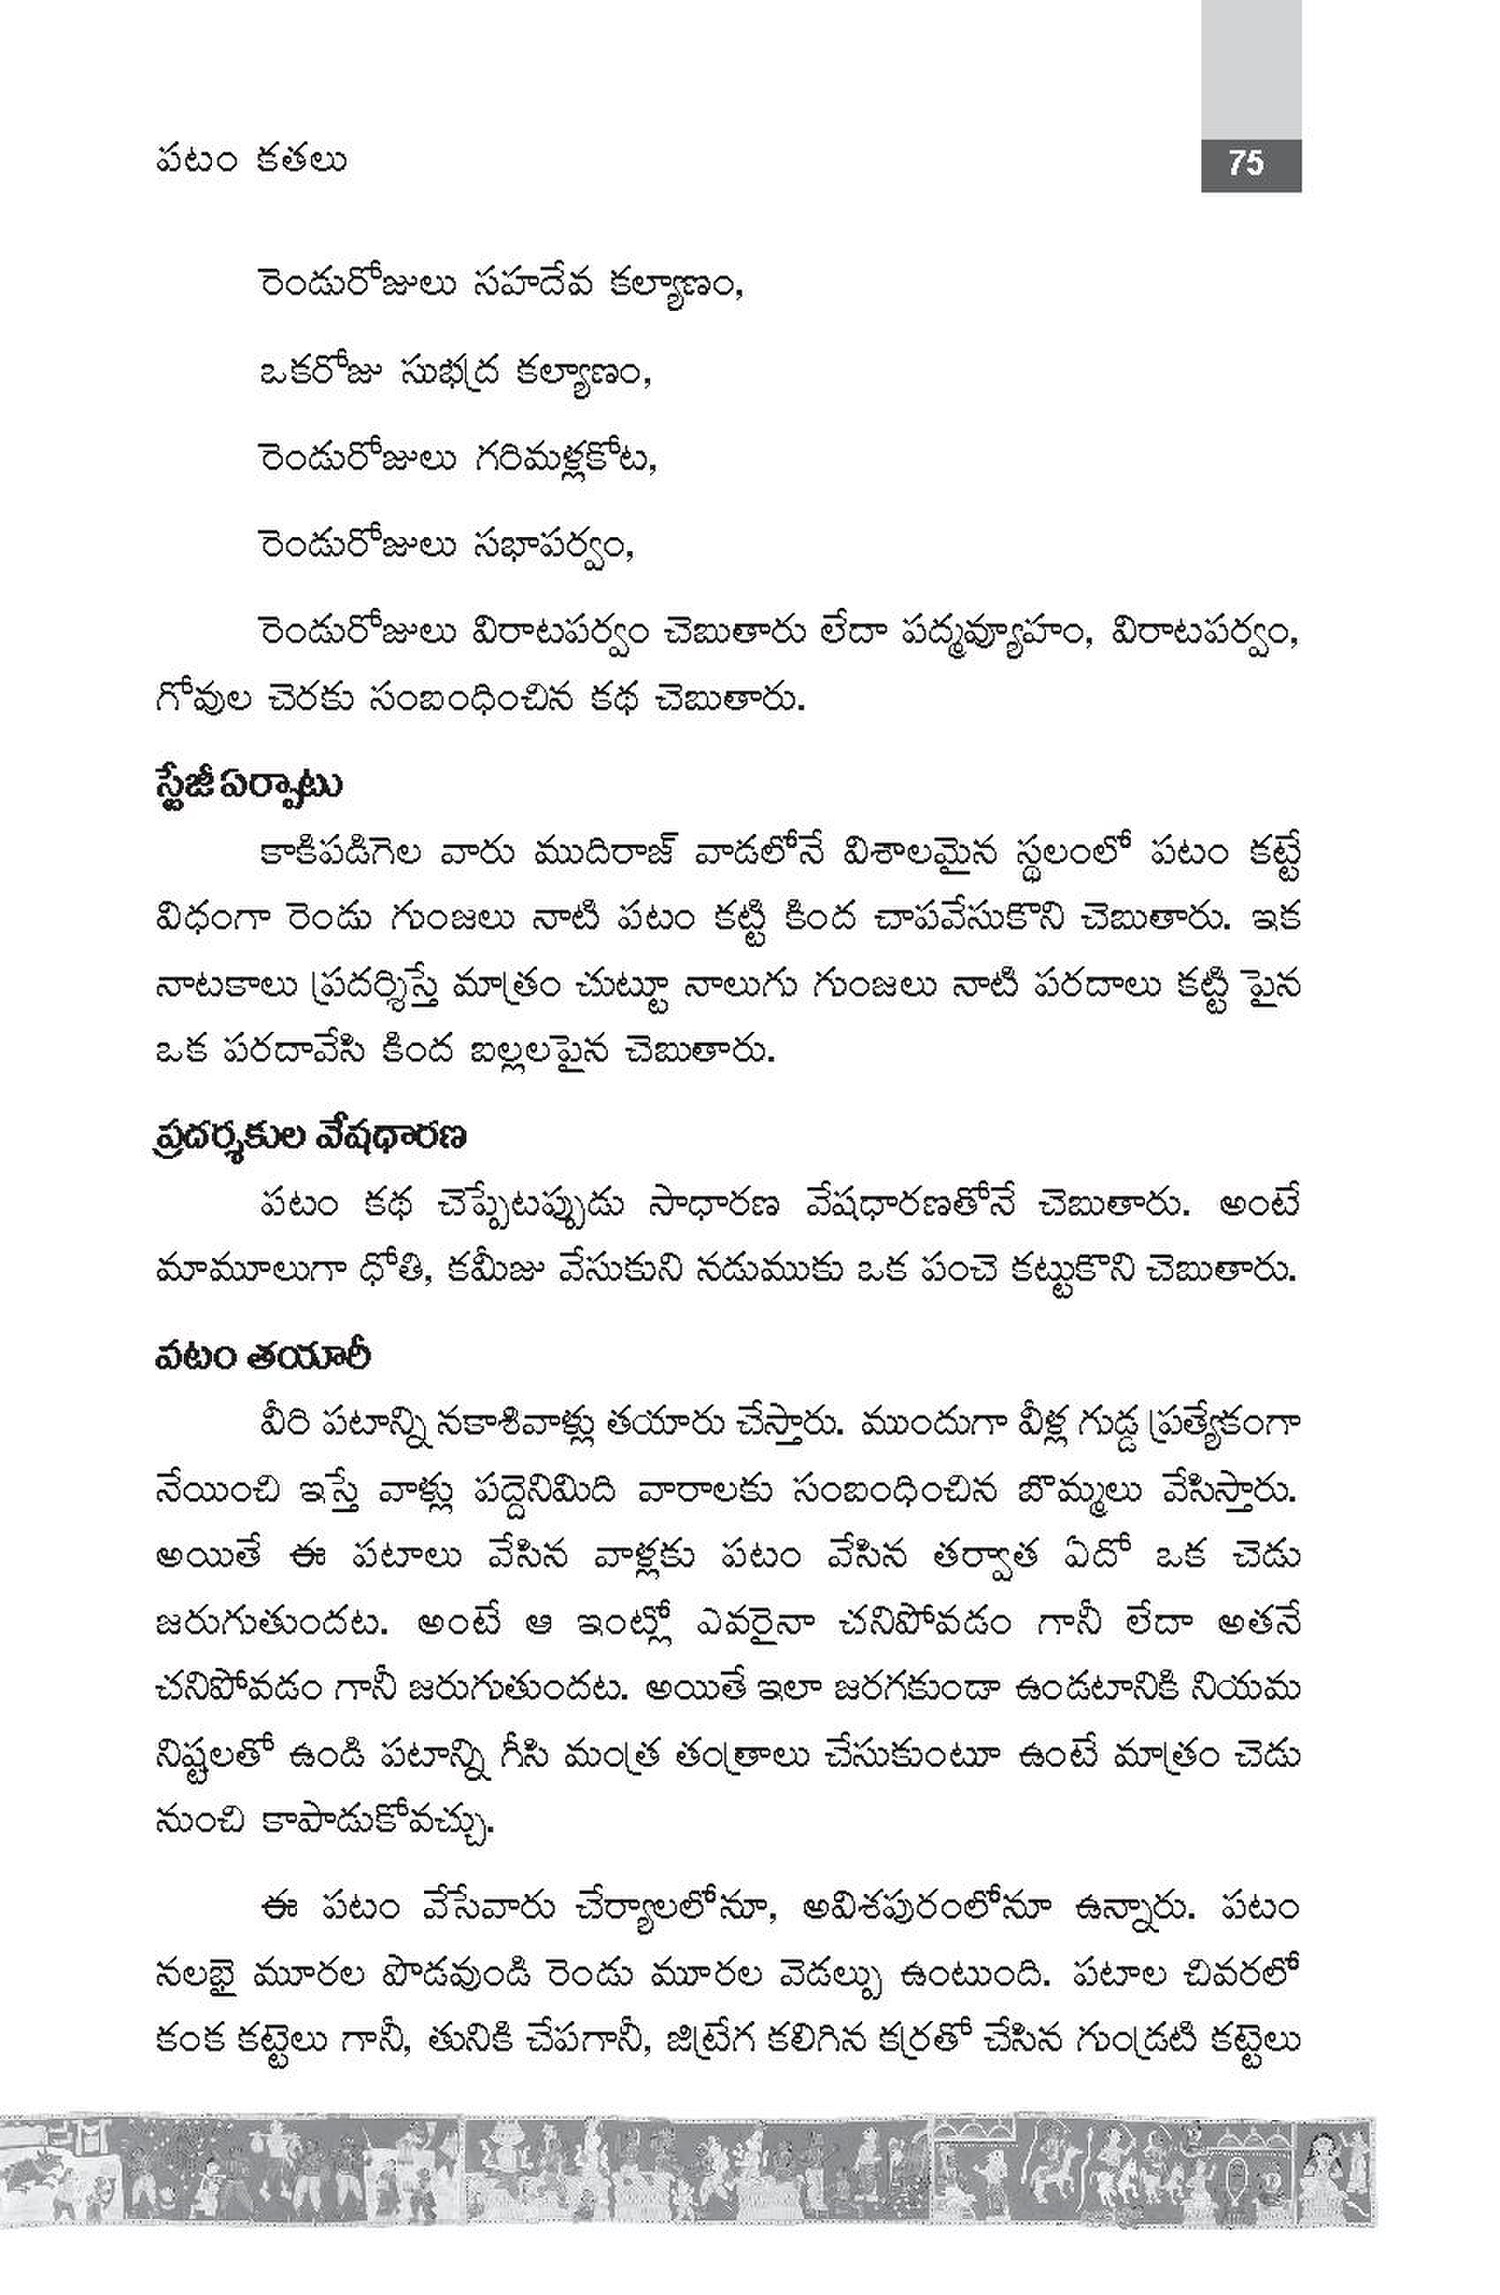రెండురోజులు సహదేవ కల్యాణం,
ఒకరోజు సుభద్ర కల్యాణం,
రెండురోజులు గరిమళ్లకోట,
రెండురోజులు సభాపర్వం,
{రెండురోజులు విరాటపర్వం చెబుతారు లేదా పద్మవ్యూహం, విరాటపర్వం, గోవుల చెరకు సంబంధించిన కథ చెబుతారు.

స్టేజీ ఏర్పా

కాకిపడిగెల వారు ముదిరాజ్ వాడలోనే విశాలమైన స్థలంలో పటం కట్టే విధంగా రెండు గుంజలు నాటి పటం కట్టి కింద చాపవేసుకొని చెబుతారు. ఇక నాటకాలు ప్రదర్శిస్తే మాత్రం చుట్టూ నాలుగు గుంజలు నాటి పరదాలు కట్టి పైన ఒక పరదావేసి కింద బల్లలపైన చెబుతారు.

దర్శకుల వేషధారణ 

పటం కథ చెప్పేటప్పుడు సాధారణ వేషధారణతోనే చెబుతారు. అంటే మామూలుగా ధోతి, కమీజు వేసుకుని నడుముకు ఒక పంచె కట్టుకొని చెబుతారు.

వటం తయారీ 

వీరి పటాన్ని నకాశివాళ్లు తయారు చేస్తారు. ముందుగా వీళ్ల గుడ్డ ప్రత్యేకంగా నేయించి ఇస్తే వాళ్లు పద్దెనిమిది వారాలకు సంబంధించిన బొమ్మలు వేసిస్తారు. అయితే ఈ పటాలు వేసిన వాళ్లకు పటం వేసిన తర్వాత ఏదో ఒక చెడు
జరుగుతుందట. అంటే ఆ ఇంట్లో ఎవరైనా చనిపోవడం గానీ లేదా అతనే చనిపోవడం గానీ జరుగుతుందట. అయితే ఇలా జరగకుండా ఉండటానికి నియమ నిష్టలతో ఉండి పటాన్ని గీసి మంత్ర తంత్రాలు చేసుకుంటూ ఉంటే మాత్రం చెదు నుంచి కాపాడుకోవచ్చు.

ఈ పటం వేసేవారు చేర్యాలలోనూ, అవిశపురంలోనూ ఉన్నారు. పటం నలభై మూరల పొడవుండి రెండు మూరల వెడల్పు ఉంటుంది. పటాల చివరలో కంక కట్టెలు గానీ, తునికి చేపగానీ, జిట్రేగ కలిగిన కర్రతో చేసిన గుండ్రటి కట్టెలు